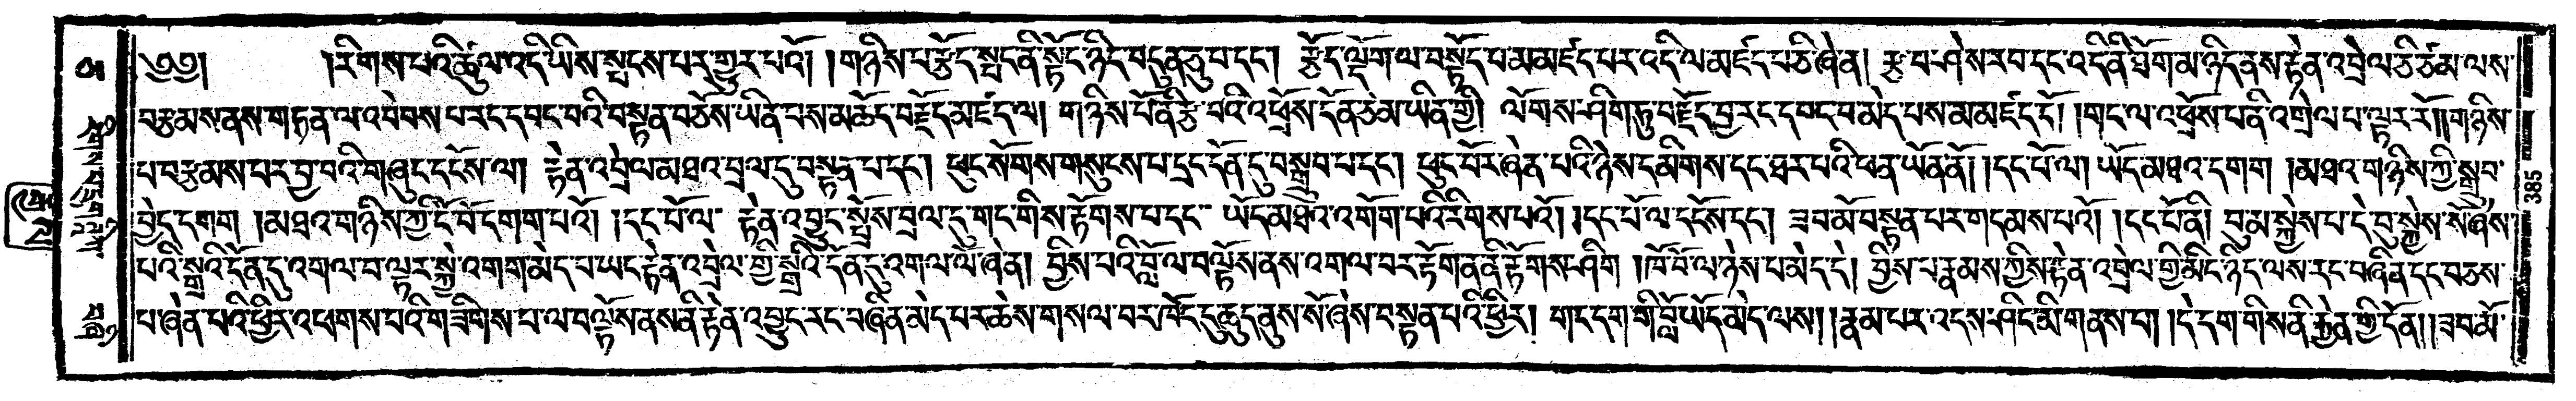༄༅། །རིགས་པའི་ཚུལ་འདི་ཡིས་སྤངས་པར་གྱུར་པའོ། །གཉིས་པ་རྩོད་སྤང་ནི་སྟོང་ཉིད་བདུན་ཅུ་པ་དང་། རྩོད་ལྡོག་ལ་བསྟོད་པ་མ་མཛད་པར་འདི་ལ་མཛད་པ་ཅི་ཞེ་ན། རྩ་བ་ཤེས་རབ་དང་འདི་ནི་ཐོག་མ་ཉིད་ནས་རྟེན་འབྲེལ་ཅི་ཙམ་ལས་
བརྩམས་ནས་གཏན་ལ་འབེབས་པ་རང་དབང་བའི་བསྟན་བཅོས་ཡིན་པས་མཆོད་བརྗོད་མཛད་ལ། གཉིས་པོ་ནི་རྩ་བའི་འཕྲོས་དོན་ཙམ་ཡིན་གྱི། ལོགས་ཤིག་ཏུ་བརྗོད་བྱ་རང་དབང་བ་མེད་པས་མ་མཛད་དོ། །གང་ལ་འཕྲོས་པ་ནི་འགྲེལ་པ་ལྟར་རོ། །གཉིས་
པ་བརྩམས་པར་བྱ་བའི་གཞུང་དངོས་ལ། རྟེན་འབྲེལ་མཐའ་བྲལ་དུ་བསྟན་པ་དང་། ཕུང་སོགས་གསུངས་པ་དྲང་དོན་དུ་བསྒྲུབ་པ་དང་། ཕུང་པོར་ཞེན་པའི་ཉེས་དམིགས་དང་ཐར་པའི་ཕན་ཡོན་ནོ། །དང་པོ་ལ། ཡོད་མཐའ་དགག །མཐའ་གཉིས་ཀྱི་སྒྲུབ་
བྱེད་དགག །མཐའ་གཉིས་ཀྱི་ངོ་བོ་དགག་པའོ། །དང་པོ་ལ། རྟེན་འབྱུང་སྤྲོས་བྲལ་དུ་གང་གིས་རྟོགས་པ་དང་། ཡོད་མཐའ་འགོག་པའི་རིགས་པའོ། །དང་པོ་ལ་དངོས་དང་། ཟབ་མོ་བསྟན་པར་གདམས་པའོ། །དང་པོ་ནི། བུ་མ་སྐྱེས་པ་དེ་བུ་སྐྱེས་སོ་ཞེས་
པའི་སྒྲའི་དོན་དུ་འགལ་བ་ལྟར་སྐྱེ་འགག་མེད་པ་ཡང་རྟེན་འབྲེལ་གྱི་སྒྲའི་དོན་དུ་འགལ་ལོ་ཞེ་ན། བྱིས་པའི་བློ་ལ་བལྟོས་ནས་འགལ་བར་རྟོག་ན་ནི་རྟོགས་ཤིག །ཁོ་བོ་ལ་ཉེས་པ་མེད་དེ། བྱིས་པ་རྣམས་ཀྱིས་རྟེན་འབྲེལ་གྱི་མིང་ཉིད་ལས་རང་བཞིན་དང་བཅས་
པ་ཞེན་པའི་ཕྱིར་འཕགས་པའི་གཟིགས་པ་ལ་བལྟོས་ནས་ནི་རྟེན་འབྱུང་རང་བཞིན་མེད་པར་ཆེས་གསལ་བར་ཁོང་དུ་ཆུད་ནུས་སོ་ཞེས་བསྟན་པའི་ཕྱིར། གང་དག་གི་བློ་ཡོད་མེད་ལས། །རྣམ་པར་འདས་ཤིང་མི་གནས་པ། །དེ་དག་གིས་ནི་རྐྱེན་གྱི་དོན། །ཟབ་མོ་